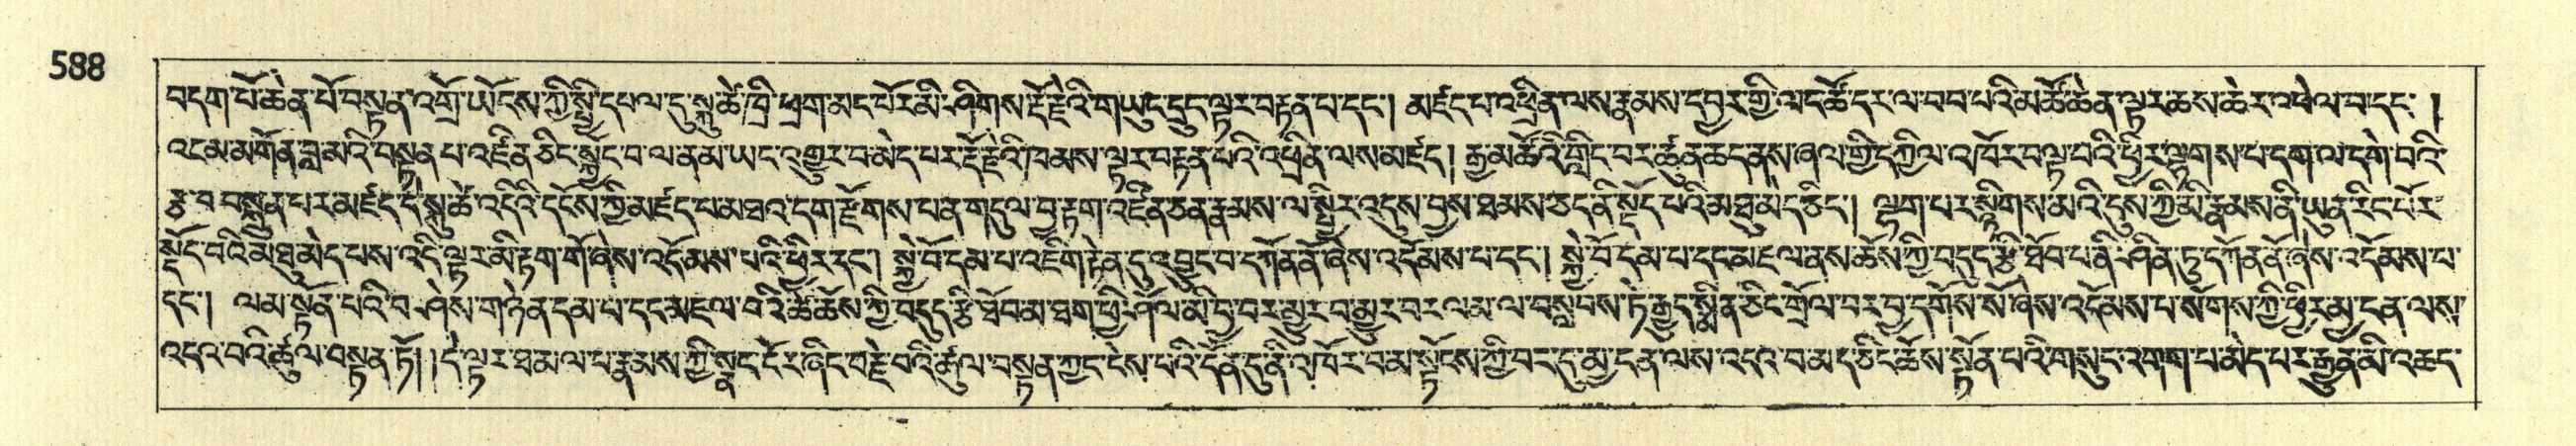བདག་པོ་ཆེན་པོ་བསྟན་འགྲོ་ཡོངས་ཀྱི་སྤྱི་དཔལ་དུ་སྐུ་ཚེ་ཁྲི་ཕྲག་མང་པོར་མི་ཤིགས་རྡོ་རྗེའི་གཡུང་དྲུང་ལྟར་བརྟན་པ་དང་། མཛད་པ་འཕྲིན་ལས་རྣམས་དབྱར་གྱི་ལང་ཚོ་དར་ལ་བབ་པའི་མཚོ་ཆེན་ལྟར་ཆས་ཆེར་འཕེལ་བ་དང་།
འཇམ་མགོན་བླ་མའི་བསྟན་པ་འཛིན་ཅིང་སྐྱོང་བ་ལ་ནམ་ཡང་འགྱུར་བ་མེད་པར་རྡོ་རྗེའི་ཁམས་ལྟར་བརྟན་པའི་འཕྲིན་ལས་མཛད། རྒྱ་མཚོའི་གླིང་བར་ཚུན་ཆད་ནས་ཞལ་གྱི་དཀྱིལ་འཁོར་བལྟ་བའི་ཕྱིར་ལྷགས་པ་དག་ལ་དགེ་བའི་
རྩ་བ་བསྐྲུན་པར་མཛད་དེ་སྐུ་ཚེ་འདིའི་དངོས་ཀྱི་མཛད་པ་མཐའ་དག་རྫོགས་པ་ན་གདུལ་བྱ་རྟག་འཛིན་ཅན་རྣམས་ལ་སྤྱིར་འདུས་བྱས་ཐམས་ཅད་ནི་སྡོད་པའི་མཐུ་མེད་ཅིང་། ལྷག་པར་སྙིགས་མའི་དུས་ཀྱི་མི་རྣམས་ནི་ཡུན་རིང་པོར་
སྡོད་བའི་མཐུ་མེད་པས་འདི་ལྟར་མི་རྟག་གོ་ཞེས་འདོམས་པའི་ཕྱིར་དང་། སྐྱེ་བོ་དམ་པ་འཇིག་རྟེན་དུ་འབྱུང་བ་དཀོན་ནོ་ཞེས་འདོམས་པ་དང་། སྐྱེ་བོ་དམ་པ་དང་མཇལ་ནས་ཆོས་ཀྱི་བདུད་རྩི་ཐོབ་པ་ནི་ཤིན་ཏུ་དཀོན་ནོ་ཞེས་འདོམས་པ་
དང་། ལམ་སྟོན་པའི་བཤེས་གཉེན་དམ་པ་དང་མཇལ་བའི་ཚེ་ཆོས་ཀྱི་བདུད་རྩི་ཐོབ་མ་ཐག་ཕྱི་ཤོལ་མི་བྱ་བར་མྱུར་བ་མྱུར་བར་ལམ་ལ་བསླབས་ཏེ་རྒྱུད་སྨིན་ཅིང་གྲོལ་བར་བྱ་དགོས་སོ་ཞེས་འདོམས་པ་སོགས་ཀྱི་ཕྱིར་མྱ་ངན་ལས་
འདའ་བའི་ཚུལ་བསྟན་ཏོ། དེ་ལྟར་ཐ་མལ་པ་རྣམས་ཀྱི་སྣང་ངོར་ཞིང་བརྗེ་བའི་ཚུལ་བསྟན་ཀྱང་ངེས་པའི་དོན་དུ་ནི་འཁོར་བ་མ་སྟོངས་ཀྱི་བར་དུ་མྱ་ངན་ལས་འདའ་བ་མད་ཅིང་ཆོས་སྟོན་པའི་གསུང་འགག་པ་མེད་པར་རྒྱུན་མི་འཆད་